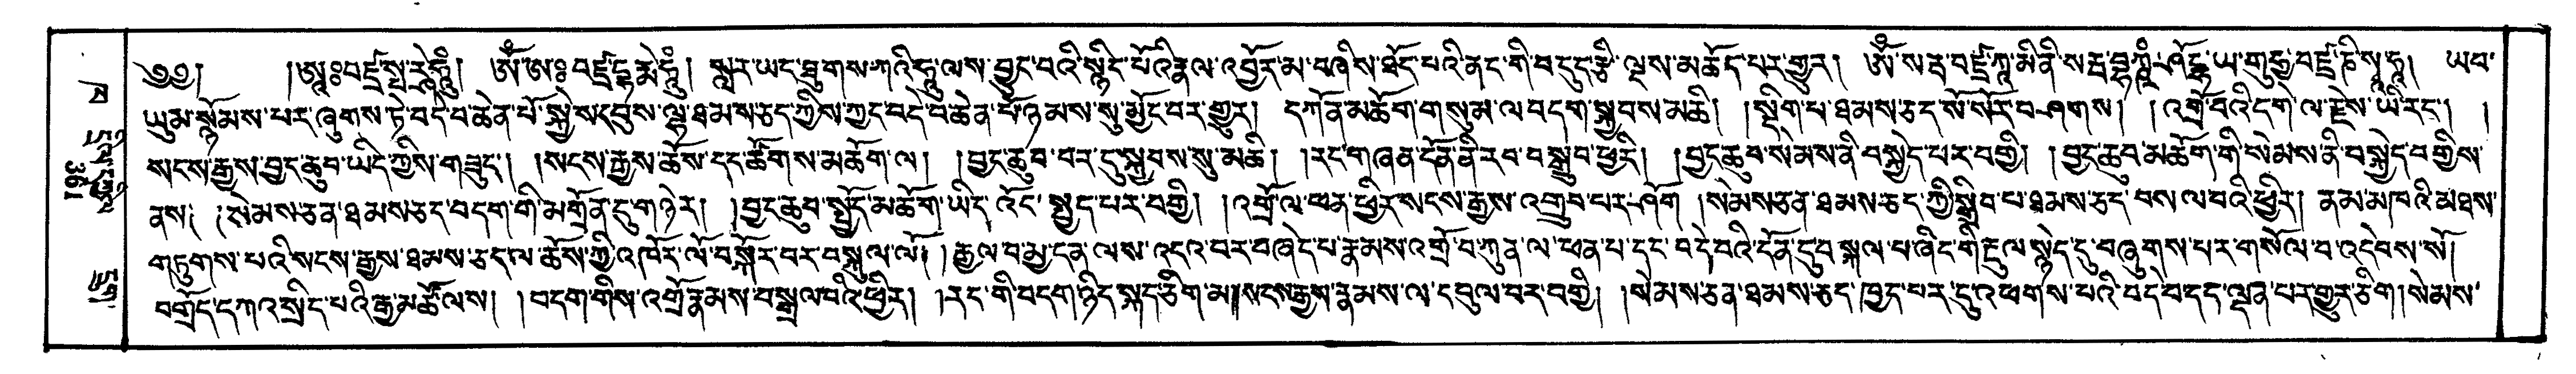༄༅། །ཨཱཿ བཛྲ་སྤ་རྴེ་ཧཱུཾ། ཨོཾ་ཨཱཿ བཛྲ་དྷརྨེ་ཧཱུཾ། སླར་ཡང་ཐུགས་ཀའི་ཧཱུ་ལས་བྱུང་བའི་སྙིང་པོའི་རྣལ་འབྱོར་མ་བཞིས་ཐོད་པའི་ནང་གི་བདུད་རྩི་ལྡས་མཆོད་པར་གྱུར། ཨོཾ་སརྦ་བཛྲ་ཀཱ་མི་ནི་སརྦ་བྷཀྵཾ་ཤོ་དྷ་ཡ་གུ་ཧྱ་བཛྲ་ཎི་སྭཱ་ཧཱ། ཡབ་
ཡུམ་སྙོམས་པར་ཞུགས་ཏེ་བདེ་བ་ཆེན་པོ་སྐྱེས་པས་ལྷ་ཐམས་ཅད་ཀྱིས་ཀྱང་བདེ་བ་ཆེན་པོ་ཉམས་སུ་མྱོང་བར་གྱུར། དཀོན་མཆོག་གསུམ་ལ་བདག་སྐྱབས་མཆི། །སྡིག་པ་ཐམས་ཅད་སོ་སོར་བཤགས། །འགྲོ་བའི་དགེ་ལ་རྗེས་ཡི་རང་།
སངས་རྒྱས་བྱང་ཆུབ་ཡིད་ཀྱིས་གཟུང་། །སངས་རྒྱས་ཆོས་དང་ཚོགས་མཆོག་ལ། །བྱང་ཆུབ་བར་དུ་སྐྱབས་སུ་མཆི། །རང་གཞན་དོན་ནི་རབ་བསྒྲུབ་ཕྱིར། །བྱང་ཆུབ་སེམས་ནི་བསྐྱེད་པར་བགྱི། །བྱང་ཆུབ་མཆོག་གི་སེམས་ནི་བསྐྱེད་བགྱི།
ནས༑ ༑སེམས་ཅན་ཐམས་ཅད་བདག་གི་མགྲོན་དུ་གཉེར། །བྱང་ཆུབ་སྦྱོད་མཆོག་ཡིད་འོད་སྤྱད་པར་བགྱི། །འགྲོ་ལ་ཕན་ཕྱིར་སངས་རྒྱས་འགྲུབ་པར་ཤོག །སེམས་ཅན་ཐམས་ཅད་ཀྱི་སྒྲིབ་པ་ཐམས་ཅད་བསལ་བའི་ཕྱིར། ནམ་མཁའི་མཐས་
གཏུགས་པའི་སངས་རྒྱས་ཐམས་ཅད་ལ་ཆོས་ཀྱི་འཁོར་ལོ་བསྐོར་བར་བསྐུལ་ལོ། །རྒྱལ་བ་མྱ་ངན་ལས་འདའ་བར་བཞེད་པ་རྣམས་འགྲོ་བ་ཀུན་ལ་ཕན་པ་དང་བདེ་པའི་དོན་དུ་བསྐལ་པ་ཞིང་གི་རྡུལ་སྙེད་དུ་བཞུགས་པར་གསོལ་བ་འདེབས་སོ། །
བགྲོད་དཀའ་སྲིད་པའི་རྒྱ་མཚོ་ལས། །བདག་གིས་འགྲོ་རྣམས་བསྒྲལ་བའི་ཕྱིར། །རང་གི་བདག་ཉིད་སྐད་ཅིག་མ། །སངས་རྒྱས་རྣམས་ལ་དབུལ་བར་བགྱི། །སེམས་ཅན་ཐམས་ཅད་ཁྱད་པར་དུ་འཕགས་པའི་བདེ་བ་དང་ལྡན་པར་གྱུར་ཅིག། སེམས་